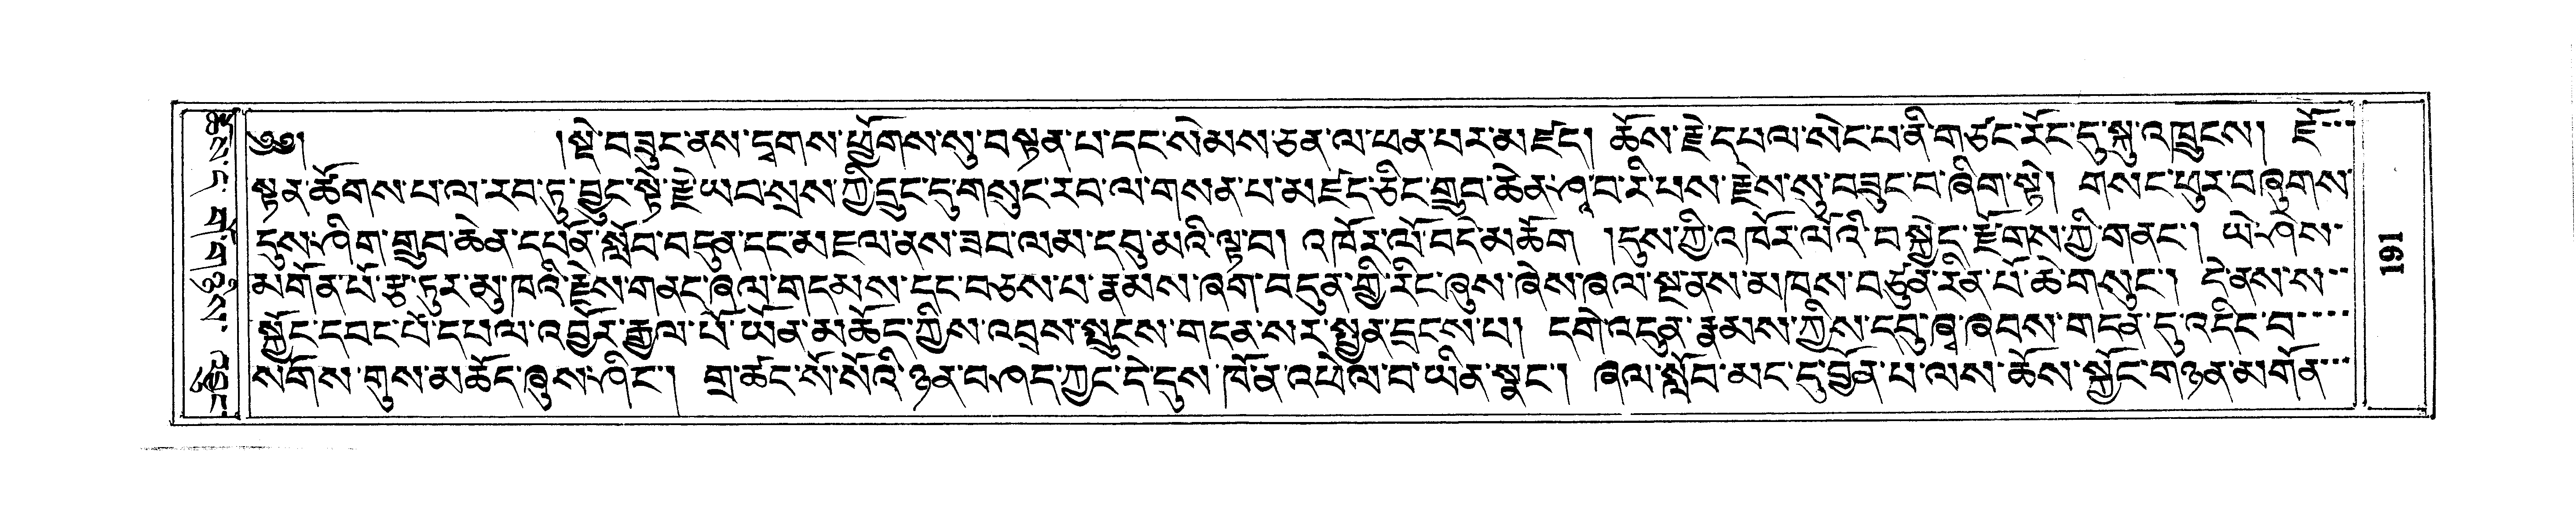༄༅། །སྡེ་བཟུང་ནས་དྭགས་ཕྱོགས་སུ་བསྟན་པ་དང་སེམས་ཅན་ལ་ཕན་པར་མཛད། ཆོས་རྗེ་དཔལ་སེང་པ་ནི་གཙང་རོང་དུ་སྐུ་འཁྲུངས། ཇོ་
སྟན་ཚོགས་པ་ལ་རབ་ཏུ་བྱུང་སྟེ་རྗེ་ཡབ་སྲས་ཀྱི་དྲུང་དུ་གསུང་རབ་ལ་གསན་པ་མཛད་ཅིང་གྲུབ་ཆེན་ཤཱ་བ་རི་པས་རྗེས་སུ་བཟུང་བ་ཞིག་སྟེ། གསང་ཕུར་བཞུགས་
དུས་ཤིག་གྲུབ་ཆེན་དཔོན་སློབ་བདུན་དང་མཇལ་ནས་ཟབ་ལམ་དབུ་མའི་ལྟ་བ། འཁོར་ལོ་བདེ་མཆོག །དུས་ཀྱི་འཁོར་ལོའི་བསྐྱེད་རྫོགས་ཀྱི་གནང་། ཡེ་ཤེས་
མགོན་པོ་རྩ་ཏུར་མུ་ཁའི་རྗེས་གནང་ཞལ་གདམས་དང་བཅས་པ་རྣམས་ཞག་བདུན་གྱི་རིང་ཞུས་ཞེས་ཞལ་སྔ་ནས་མཁས་བཙུན་རིན་པོ་ཆེ་གསུང་། དེ་ནས་ས་
སྐྱོང་དབང་པོ་དཔལ་འབྱོར་རྒྱལ་པོ་ཡོན་མཆོད་ཀྱིས་འབྲས་སྤུངས་གདན་སར་སྤྱན་དྲངས་པ། དགེ་འདུན་རྣམས་ཀྱིས་དབུ་ཞྭ་ཞབས་གདན་དུ་འདིང་བ་
སོགས་གུས་མཆོད་ཞུས་ཤིང་། གྲ་ཚང་སོ་སོའི་ཉན་བཤད་ཀྱང་དེ་དུས་ཁོ་ན་འཕེལ་བ་ཡིན་སྣང་། ཞལ་སློབ་མང་དུ་བྱོན་པ་ལས་ཆོས་སྐྱོང་གཉན་མགོན་